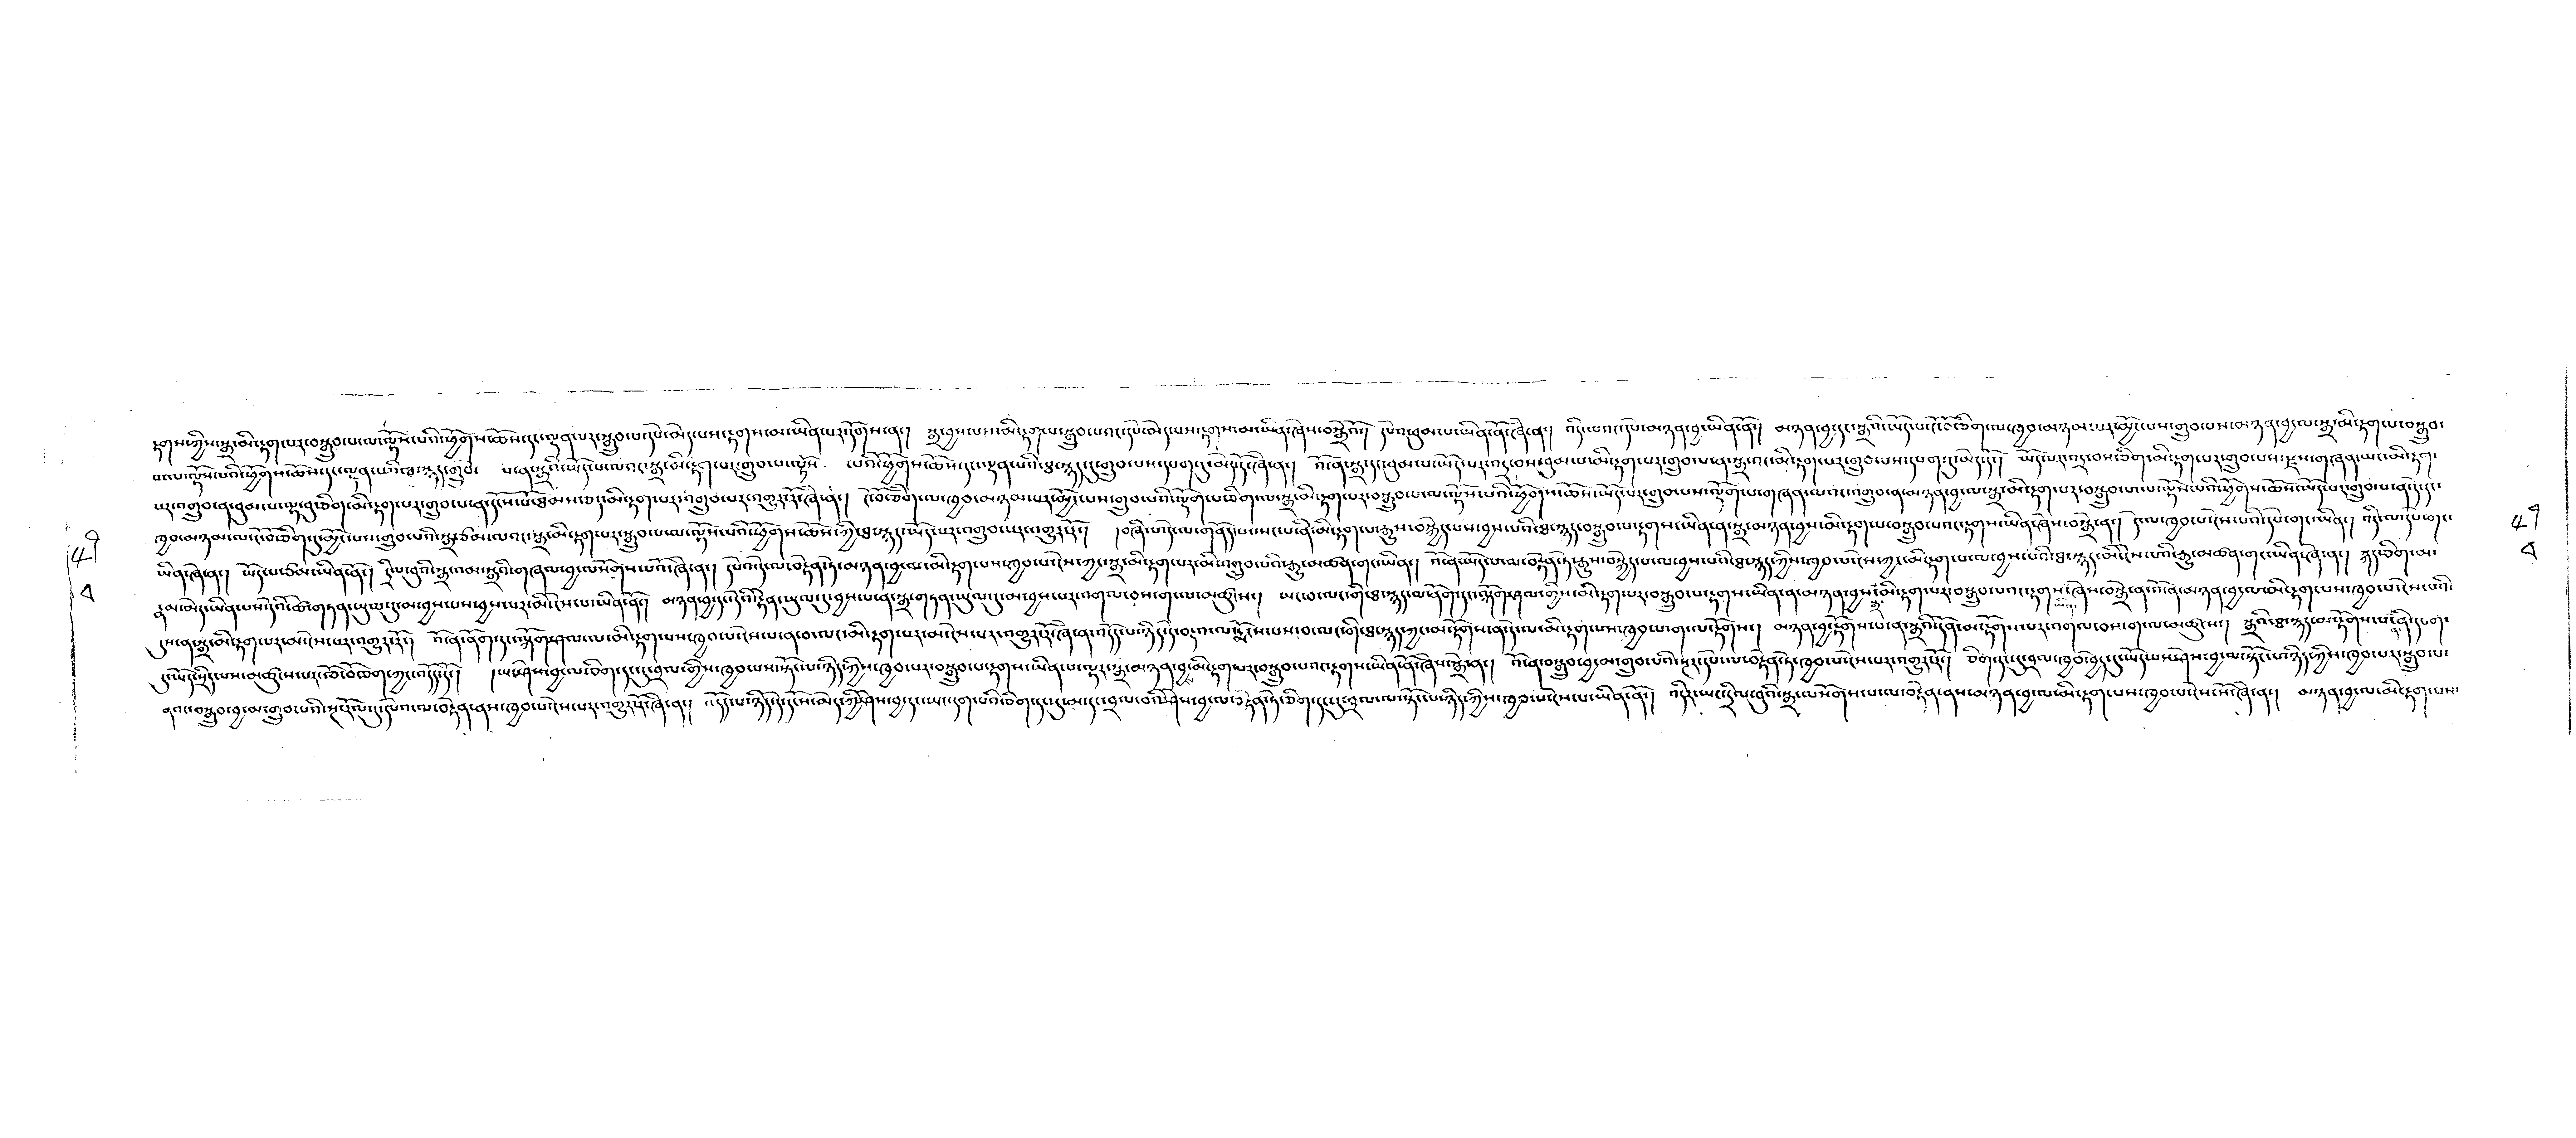རྟགས་ཀྱིས་སྒྲ་མི་རྟག་པར་བསྒྲུབ་པ་ལ་ལྟོས་པའི་ཕྱོགས་ཆོས་དང་ལྡན་པར་སྒྲུབ་པ་དཔེ་མེད་པས་རྟགས་མ་ཡིན་པར་དོགས་ན། སྒྲ་བྱས་པས་མི་རྟག་པ་སྒྲུབ་པའང་དཔེ་མེད་པས་རྟགས་མ་ཡིན་ཞེས་བསྒྲེའོ། དཔེའ་བུམ་པ་ཡིན་ནོ་ཞེ་ན། འདི་ལའང་དཔེ་མཉན་བྱ་ཡིན་ནོ། མཉན་བྱ་དང་སྒྲའི་ཡོད་པ་ངོ་བོ་ཅིག་ལ་ཁྱབ་མཉམ་པར་མྱོང་པས་གྲུབ་པས་མཉན་བྱ་ལ་སྒྲ་མི་རྟག་པ་བསྒྲུབ་
པ་ལ་ལྟོས་པའི་ཕྱོགས་ཆོས་དང་ལྡན་པའི་ཐ་སྙད་གྲུབ་པ་ན་སྒྲའི་ཡོད་པ་ལའང་སྒྲ་མི་རྟག་པར་གྲུབ་པ་ལྟོས་པའི་ཕྱོགས་ཆོས་དང་ལྡན་པའི་ཐ་སྙད་དུ་གྲུབ་པས་དཔག་དུ་མེད་དོ་ཞེ་ན། འོ་ན་སྒྲ་དང་བུམ་པ་ཡོད་པར་འདྲ་བས་བུམ་པ་མི་རྟག་པར་གྲུབ་པ་ན་སྒྲ་འང་མི་རྟག་པར་གྲུབ་པས་དཔག་དུ་མེད་དོ། ཡོད་པར་འདྲ་བས་ཅིག་མི་རྟག་པར་གྲུབ་པས་རྫས་གཞན་ཡང་མི་རྟག་
པར་འགྲུབ་ན་བུམ་པ་ལྟ་བུ་ཅིག་མི་རྟག་པར་གྲུབ་པ་ན་དངོས་པོ་ཐམས་ཅད་མི་རྟག་པར་འགྲུབ་པར་འགྱུར་རོ་ཞེ་ན། ངོ་བོ་ཅིག་ལ་ཁྱབ་མཉམ་པར་མྱོང་པས་གྲུབ་པའི་ལྡོག་པ་ཅིག་ལ་སྒྲ་མི་རྟག་པར་བསྒྲུབ་པ་ལ་ལྟོས་པའི་ཕྱོགས་ཆོས་ཡོད་པར་གྲུབ་པས་ལྡོག་པ་གཞན་ལའང་འགྲུབ་ན་མཉན་བྱ་ལ་སྒྲ་མི་རྟག་པར་བསྒྲུབ་པ་ལ་ལྟོས་པའི་ཕྱོགས་ཆོས་ཡོད་པར་གྲུབ་པ་ན་དེ་དང་
ཁྱབ་མཉམ་ལ་ངོ་བོ་ཅིག་དུ་མྱོང་པས་གྲུབ་པའི་སྒྲ་ཙམ་ལའང་སྒྲ་མི་རྟག་པར་སྒྲུབ་པ་མ་ལྟོས་པའི་ཕྱོགས་ཆོས་ཀྱི་ཐ་སྙད་ཡོད་པར་འགྲུབ་པར་འགྱུར་རོ། །བཞི་པ་དེ་ལ་གནོད་པ་སྤང་པ་ནི་མི་རྟག་པ་རྒྱུས་བསྐྱེད་པས་བྱས་པའི་ཐ་སྙད་བསྒྲུབ་པ་རྟགས་ཡིན་ན་སྒྲ་མཉན་བྱས་མི་རྟག་པ་བསྒྲུབ་པའང་རྟགས་ཡིན་ཞེས་བསྒྲེ་ན། དེ་ལ་ཁྱབ་པ་ངེས་པའི་དཔེ་གང་ཡིན། འདི་ལ་དཔེ་གང་
ཡིན་ཞེ་ན། ཡོད་པ་ཙམ་ཡིན་ནོ། དྲིལ་བུའི་སྒྲ་འམ་སྒྲའི་གཞལ་བྱ་ལ་སོགས་པའོ་ཞེ་ན། དཔེའ་དེ་ལ་བརྟེན་ཏེ་མཉན་བྱ་ལ་མི་རྟག་པས་ཁྱབ་པ་ངེས་ཀྱང་སྒྲ་མི་རྟག་པར་མི་འགྲུབ་པའི་རྒྱུ་མཚན་གང་ཡིན། འོ་ན་ཡོད་པ་མ་བརྟེན་ཏེ་རྒྱུས་བསྐྱེད་པ་ལ་བྱས་པའི་ཐ་སྙད་ཀྱིས་ཁྱབ་པ་ངེས་ཀྱང་མི་རྟག་པ་ལ་བྱས་པའི་ཐ་སྙད་མི་ངེས་པའི་རྒྱུ་མཚན་གང་ཡིན་ཞེ་ན། སྐད་ཅིག་མ་
རྣམ་མེད་ཡིན་པས་དེའི་ཚེ་གཏན་ཡུལ་དུ་མ་བྱས་པས་བྱས་པར་མི་ངེས་པ་ཡིན་ནོ། མཉན་བྱ་དང་དེའི་རྟེན་ཡུལ་དུ་བྱས་པ་ན་སྒྲ་གཏན་ཡུལ་དུ་མ་བྱས་པར་འགལ་བས་ག་ལ་མཚུངས། ཡང་བ་ལང་གི་ཐ་སྙད་མ་ནོག་དང་ལྐོག་ཤལ་གྱིས་མི་རྟག་པར་བསྒྲུབ་པ་རྟགས་ཡིན་ན་མཉན་བྱས་སྒྲ་མི་རྟག་པར་བསྒྲུབ་པའང་རྟགས་ཡིན་ཞེས་བསྒྲེ་ན་འོ་ན་མཉན་བྱ་ལ་མི་རྟག་པས་ཁྱབ་པ་ངེས་པའི་
དུས་ན་སྒྲ་མི་རྟག་པར་མ་ངེས་པར་འགྱུར་རོ། འོ་ན་ནོག་དང་ལྐོག་ཤལ་ལ་མི་རྟག་པས་ཁྱབ་པ་ངེས་པ་ན་བ་ལང་མི་རྟག་པར་མ་ངེས་པར་འགྱུར་རོ་ཞེ་ན་འདོད་པ་ཉིད་དེ་བརྡའ་ལ་རྨོངས་པས་བ་ལང་གི་ཐ་སྙད་ཀྱང་མ་རྟོགས་ན་དེ་ལ་མི་རྟག་པས་ཁྱབ་པ་ག་ལ་རྟོགས། མཉན་བྱ་རྟོགས་པ་ན་སྒྲའི་དོན་མ་རྟོགས་པར་འགལ་བས་ག་ལ་མཚུངས། སྒྲའི་ཐ་སྙད་མ་རྟོགས་པ་ན་ནི་དཔག་
དུ་ཡོད་སྲིད་པས་མཚུངས་པར་རྩོ་བོ་ཅག་ཀྱང་འདོད་དོ། །ཡང་ཤེས་བྱ་ལ་ཅིག་དང་དུ་བྲལ་གྱིས་ཁྱབ་པས་སྟོང་པ་ཉིད་ཀྱིས་ཁྱབ་པར་བསྒྲུབ་པ་རྟགས་ཡིན་པ་ལྟར་སྒྲ་མཉན་བྱས་མི་རྟག་པར་བསྒྲུབ་པའང་རྟགས་ཡིན་ནོ་ཞེས་སྒྲེ་ན། འོ་ན་བསྒྲུབ་བྱ་མ་གྲུབ་པའི་སྔར་དཔེ་ལ་བརྟེན་ཏེ་ཁྱབ་པ་ངེས་པར་འགྱུར་རོ། ཅིག་དང་དུ་བྲལ་ཁྱབ་བྱེད་དུ་ཡོད་པས་ཤེས་བྱ་ལ་སྟོང་པ་ཉིད་ཀྱིས་ཁྱབ་པར་སྒྲུབ་པ་
ནའང་བསྒྲུབ་བྱ་མ་གྲུབ་པའི་སྔ་རོལ་དུ་དཔེའ་ལ་བརྟེན་ནས་ཁྱབ་པ་ངེས་པར་འགྱུར་རོ་ཞེ་ན། འདོད་པ་ཉིད་དེ་དངོས་མེད་ཀྱི་ཤེས་བྱ་དང་ཡང་དག་པའི་ཅིག་དང་དུ་མ་དང་བྲལ་བའི་ཤེས་བྱ་ལ་བརྟེན་ཏེ་ཅིག་དང་དུ་བྲལ་ལ་སྟོང་པ་ཉིད་ཀྱིས་ཁྱབ་པ་ངེས་པ་ཡིན་ནོ། འདིར་ཡང་དྲིལ་བུའི་སྒྲ་ལ་སོགས་པ་ལ་བརྟེན་ནས་མཉན་བྱ་ལ་མི་རྟག་པས་ཁྱབ་པ་ངེས་སོ་ཞེ་ན། མཉན་བྱ་ལ་མི་རྟག་པས་